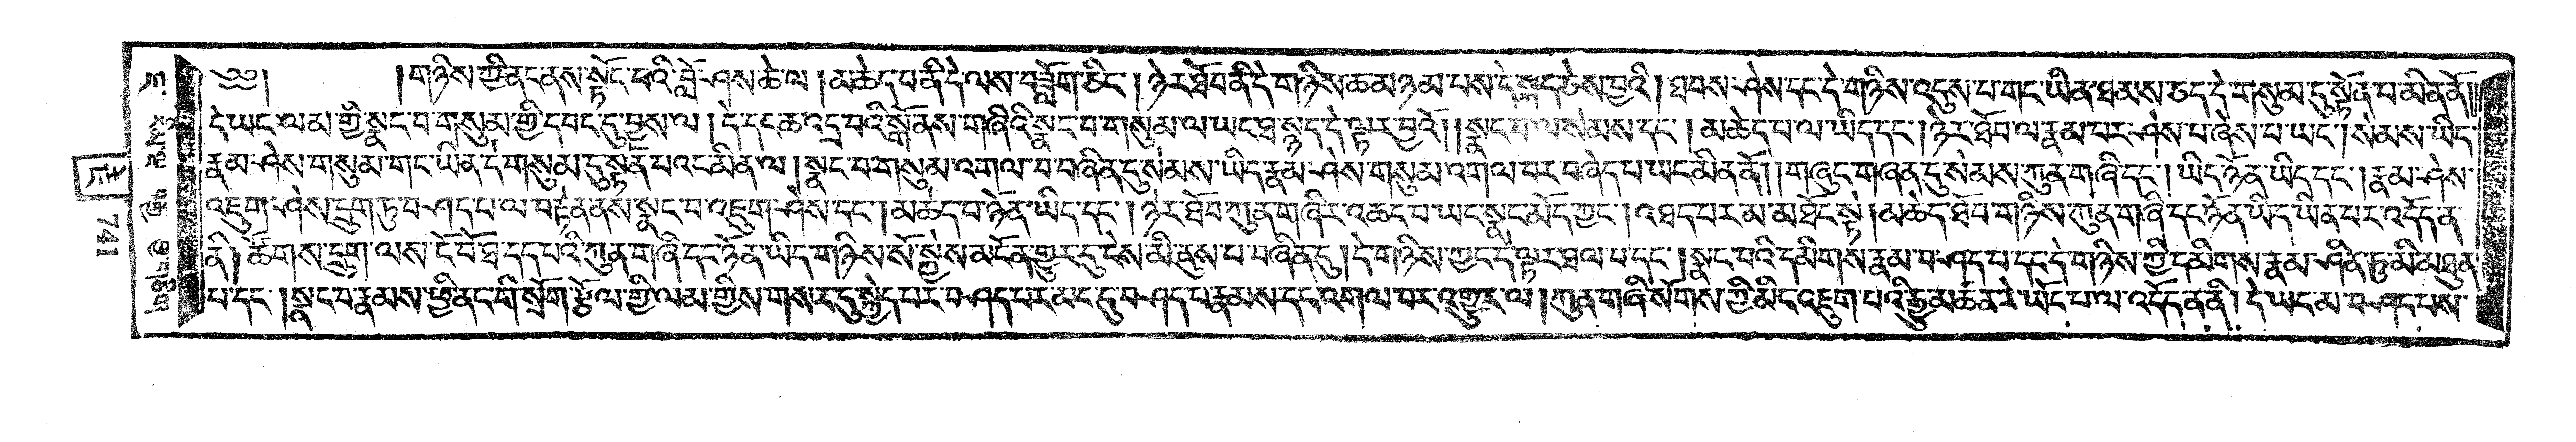༄༅། །གཉིས་ཀྱི་ནང་ནས་སྟོང་པའི་བློ་ཤས་ཆེ་ལ། མཆེད་པ་ནི་དེ་ལས་བཟློག་ཅིང་། ཉེར་ཐོབ་ནི་དེ་གཉིས་ཆ་མཉམ་པས་དེ་སྐད་ཅེས་བྱའི། ཐབས་ཤེས་དང་དེ་གཉིས་འདུས་པ་གང་ཡིན་ཐམས་ཅད་དེ་གསུམ་དུ་སྟོན་པ་མིན་ནོ། །
དེ་ཡང་ལམ་གྱི་སྣང་བ་གསུམ་གྱི་དབང་དུ་བྱས་ལ། དེ་དང་ཆ་འདྲ་བའི་སྒོ་ནས་གཞིའི་སྣང་བ་གསུམ་ལ་ཡང་ཐ་སྙད་དེ་ལྟར་བྱའོ། །སྣང་བ་ལ་སེམས་དང་། མཆེད་པ་ལ་ཡིད་དང་།ཉེར་ཐོབ་ལ་རྣམ་པར་ཤེས་པ་ཞེས་པ་ཡང་། སེམས་ཡིད་
རྣམ་ཤེས་གསུམ་གང་ཡིན་དེ་གསུམ་དུ་སྟོན་པའང་མིན་ལ། སྣང་བ་གསུམ་འགལ་བ་བཞིན་དུ་སེམས་ཡིད་རྣམ་ཤེས་གསུམ་འགལ་བར་བཞེད་པ་ཡང་མིན་ནོ། །གཞུང་གཞན་དུ་སེམས་ཀུན་གཞི་དང་། ཡིད་ཉོན་ཡིད་དང་། རྣམ་ཤེས་
འཇུག་ཤེས་དྲུག་ཏུ་བཤད་པ་ལ་བརྟེན་ནས་སྣང་བ་འཇུག་ཤེས་དང་། མཆེད་པ་ཉོན་ཡིད་དང་། ཉེར་ཐོབ་ཀུན་གཞིར་འཆང་པ་ཡང་སྣང་མོད་ཀྱང་། འཐད་པར་མ་མཐོང་སྟེ། མཆེད་ཐོབ་གཉིས་ཀུན་གཞི་དང་ཉོན་ཡིད་ཡིན་པར་འདོད་ན་
ནི། ཚོགས་དྲུག་ལས་ངོ་བོ་ཐ་དད་པའི་ཀུན་གཞི་དང་ཉོན་ཡིད་གཉིས་སོ་སྐྱེས་མངོན་གྱུར་དུ་ངེས་མི་ནུས་པ་བཞིན་དུ། དེ་གཉིས་ཀྱང་དེ་ལྟར་ཐལ་བ་དང་། སྣང་བའི་དམིགས་རྣམ་བཤད་པ་དང་དེ་གཉིས་ཀྱི་དམིགས་རྣམ་ཤིན་ཏུ་མི་མཐུན་
པ་དང་། སྣང་བ་རྣམས་ཕྱི་ནང་གི་སྲོག་རྩོལ་གྱི་ལམ་གྱིས་གསར་དུ་སྐྱེད་པར་བཤད་པར་མང་དུ་བཤད་པ་རྣམས་དང་འགལ་བར་འགྱུར་ལ། ཀུན་གཞི་སོགས་ཀྱི་མིང་འཇུག་པའི་རྒྱུ་མཚན་རེ་ཡོད་པ་ལ་འདོད་ན་ནི། དེ་ཡང་མ་བཤད་པས་